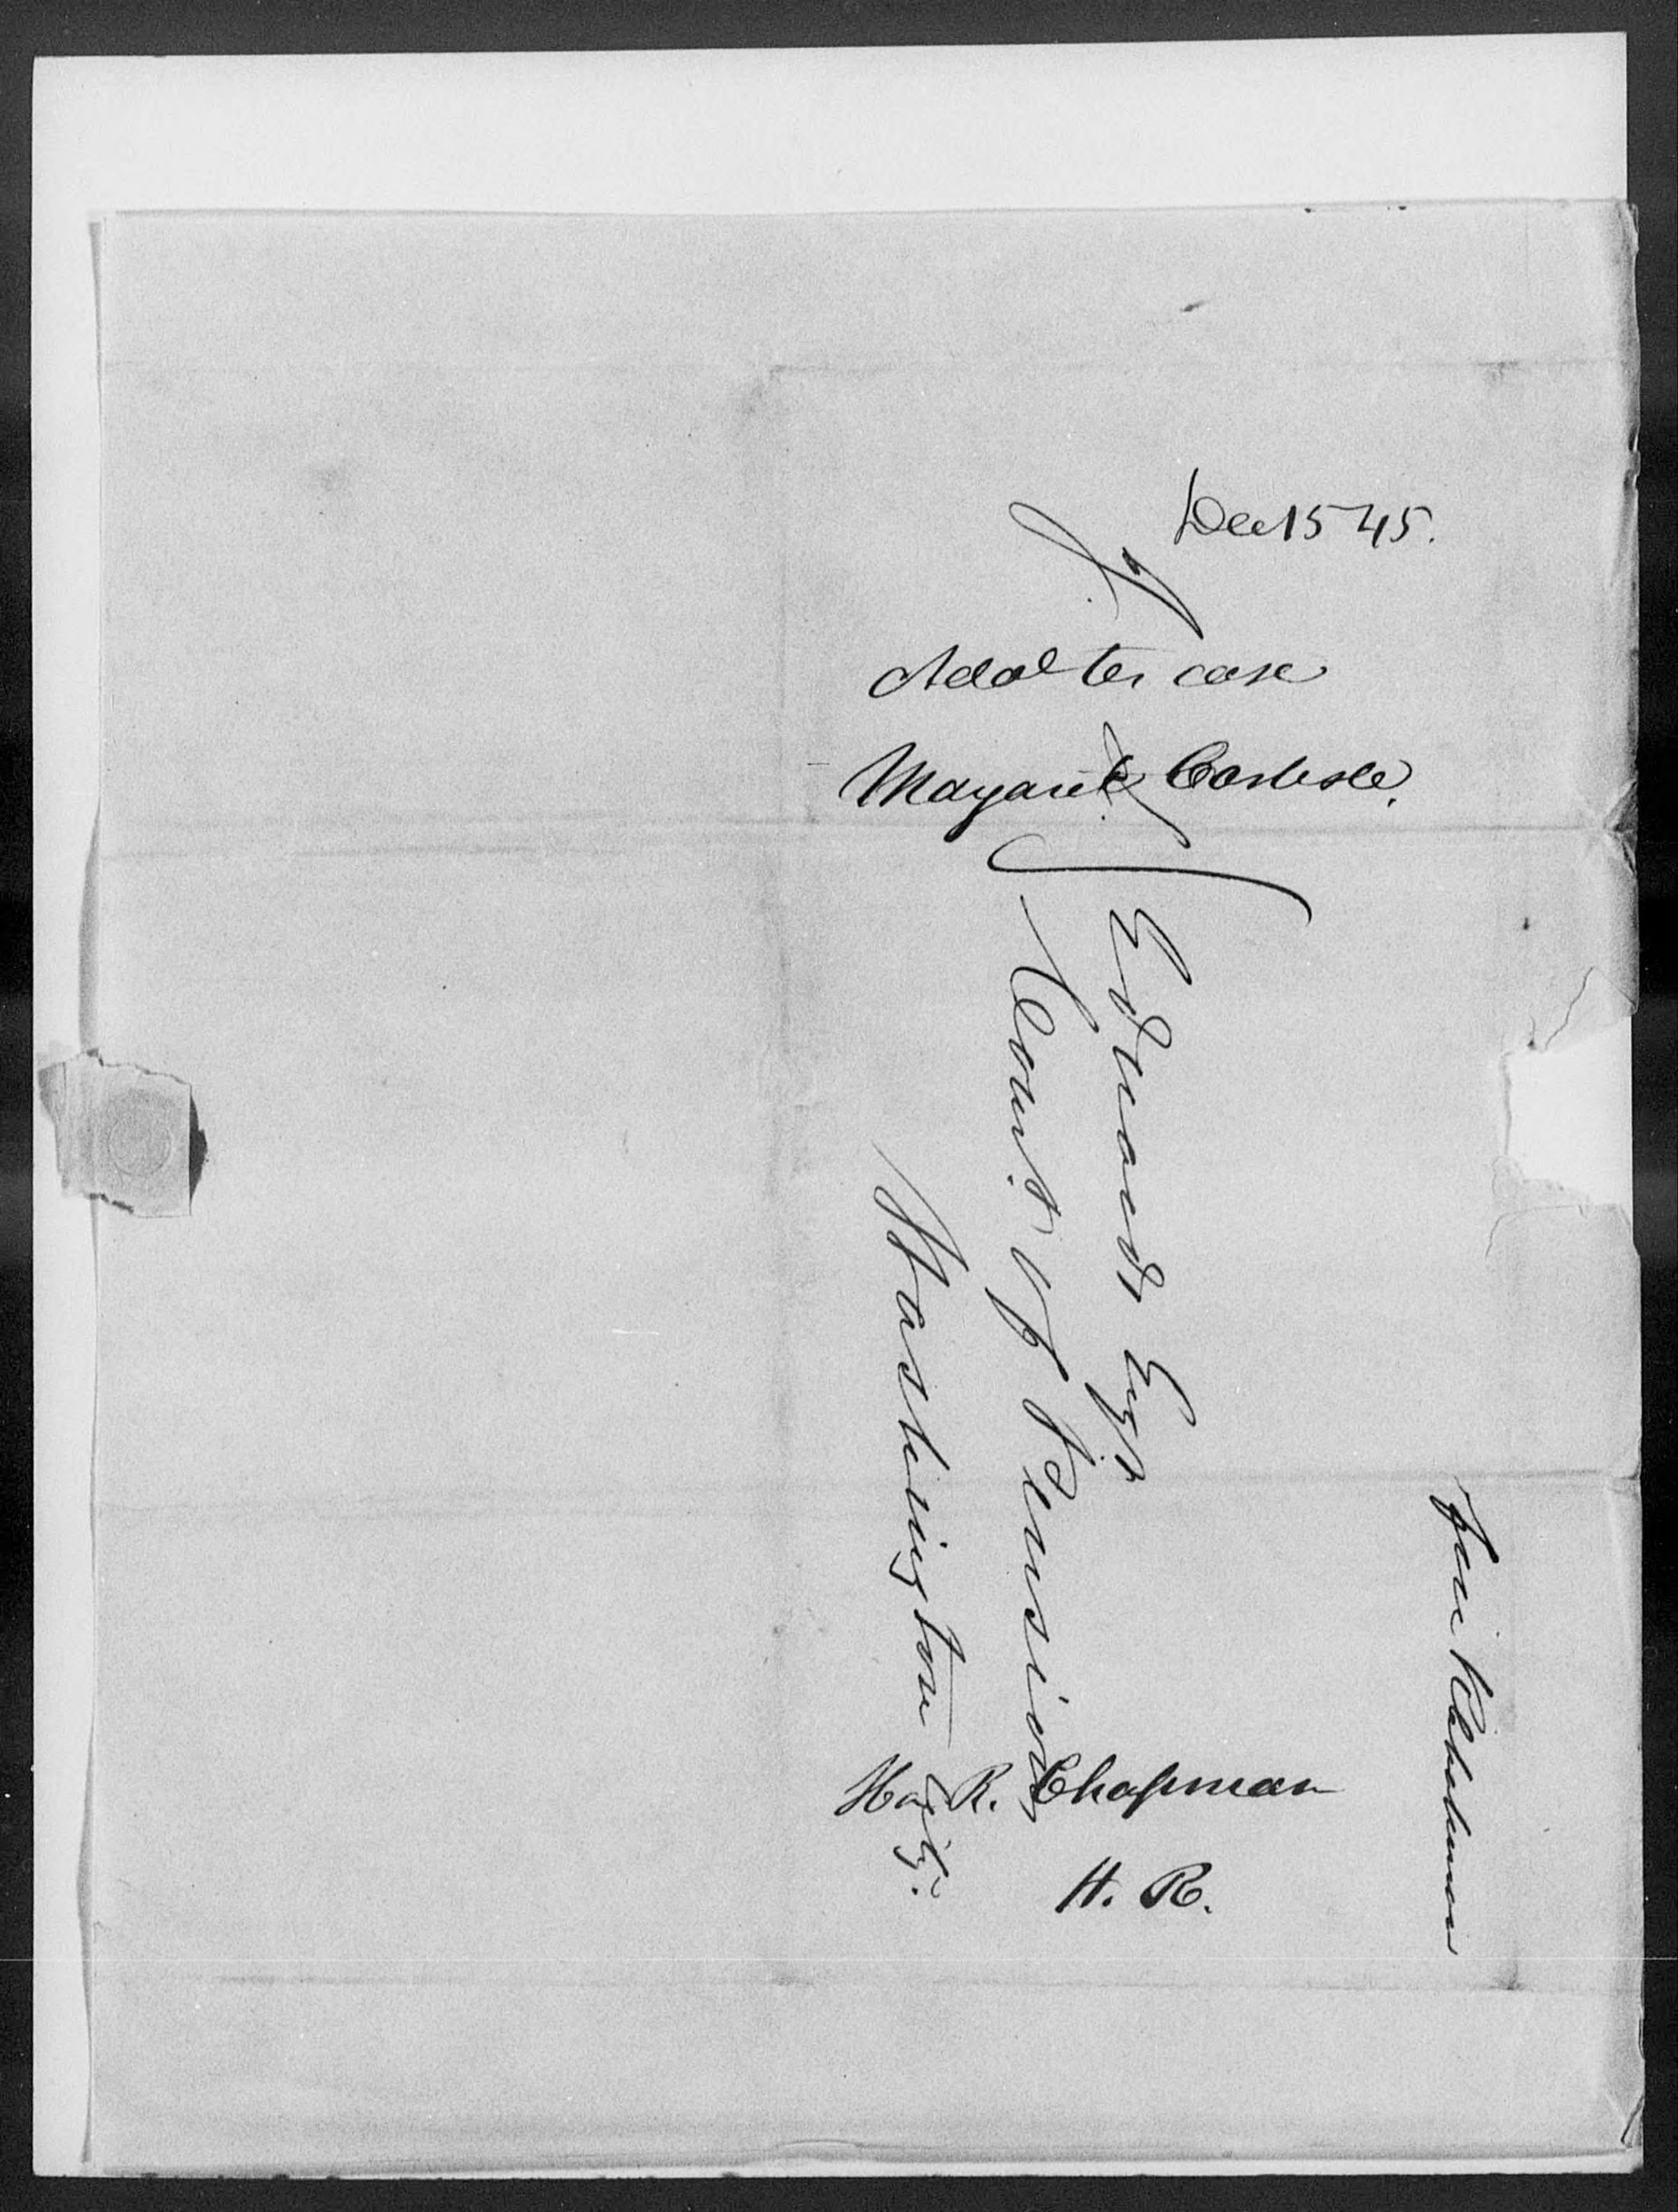Dec 15 45.
Addl to case
Margaret Carlisle
____
free Revol
J L Edwards Esq
Comr of Pensions
Washington City

Hon R. Chapman
H. R.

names: J L Edwards, Margaret Carlisle, R Chapman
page: 29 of 91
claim: widow's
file: W. 10576, Francis Carlisle, S.C.